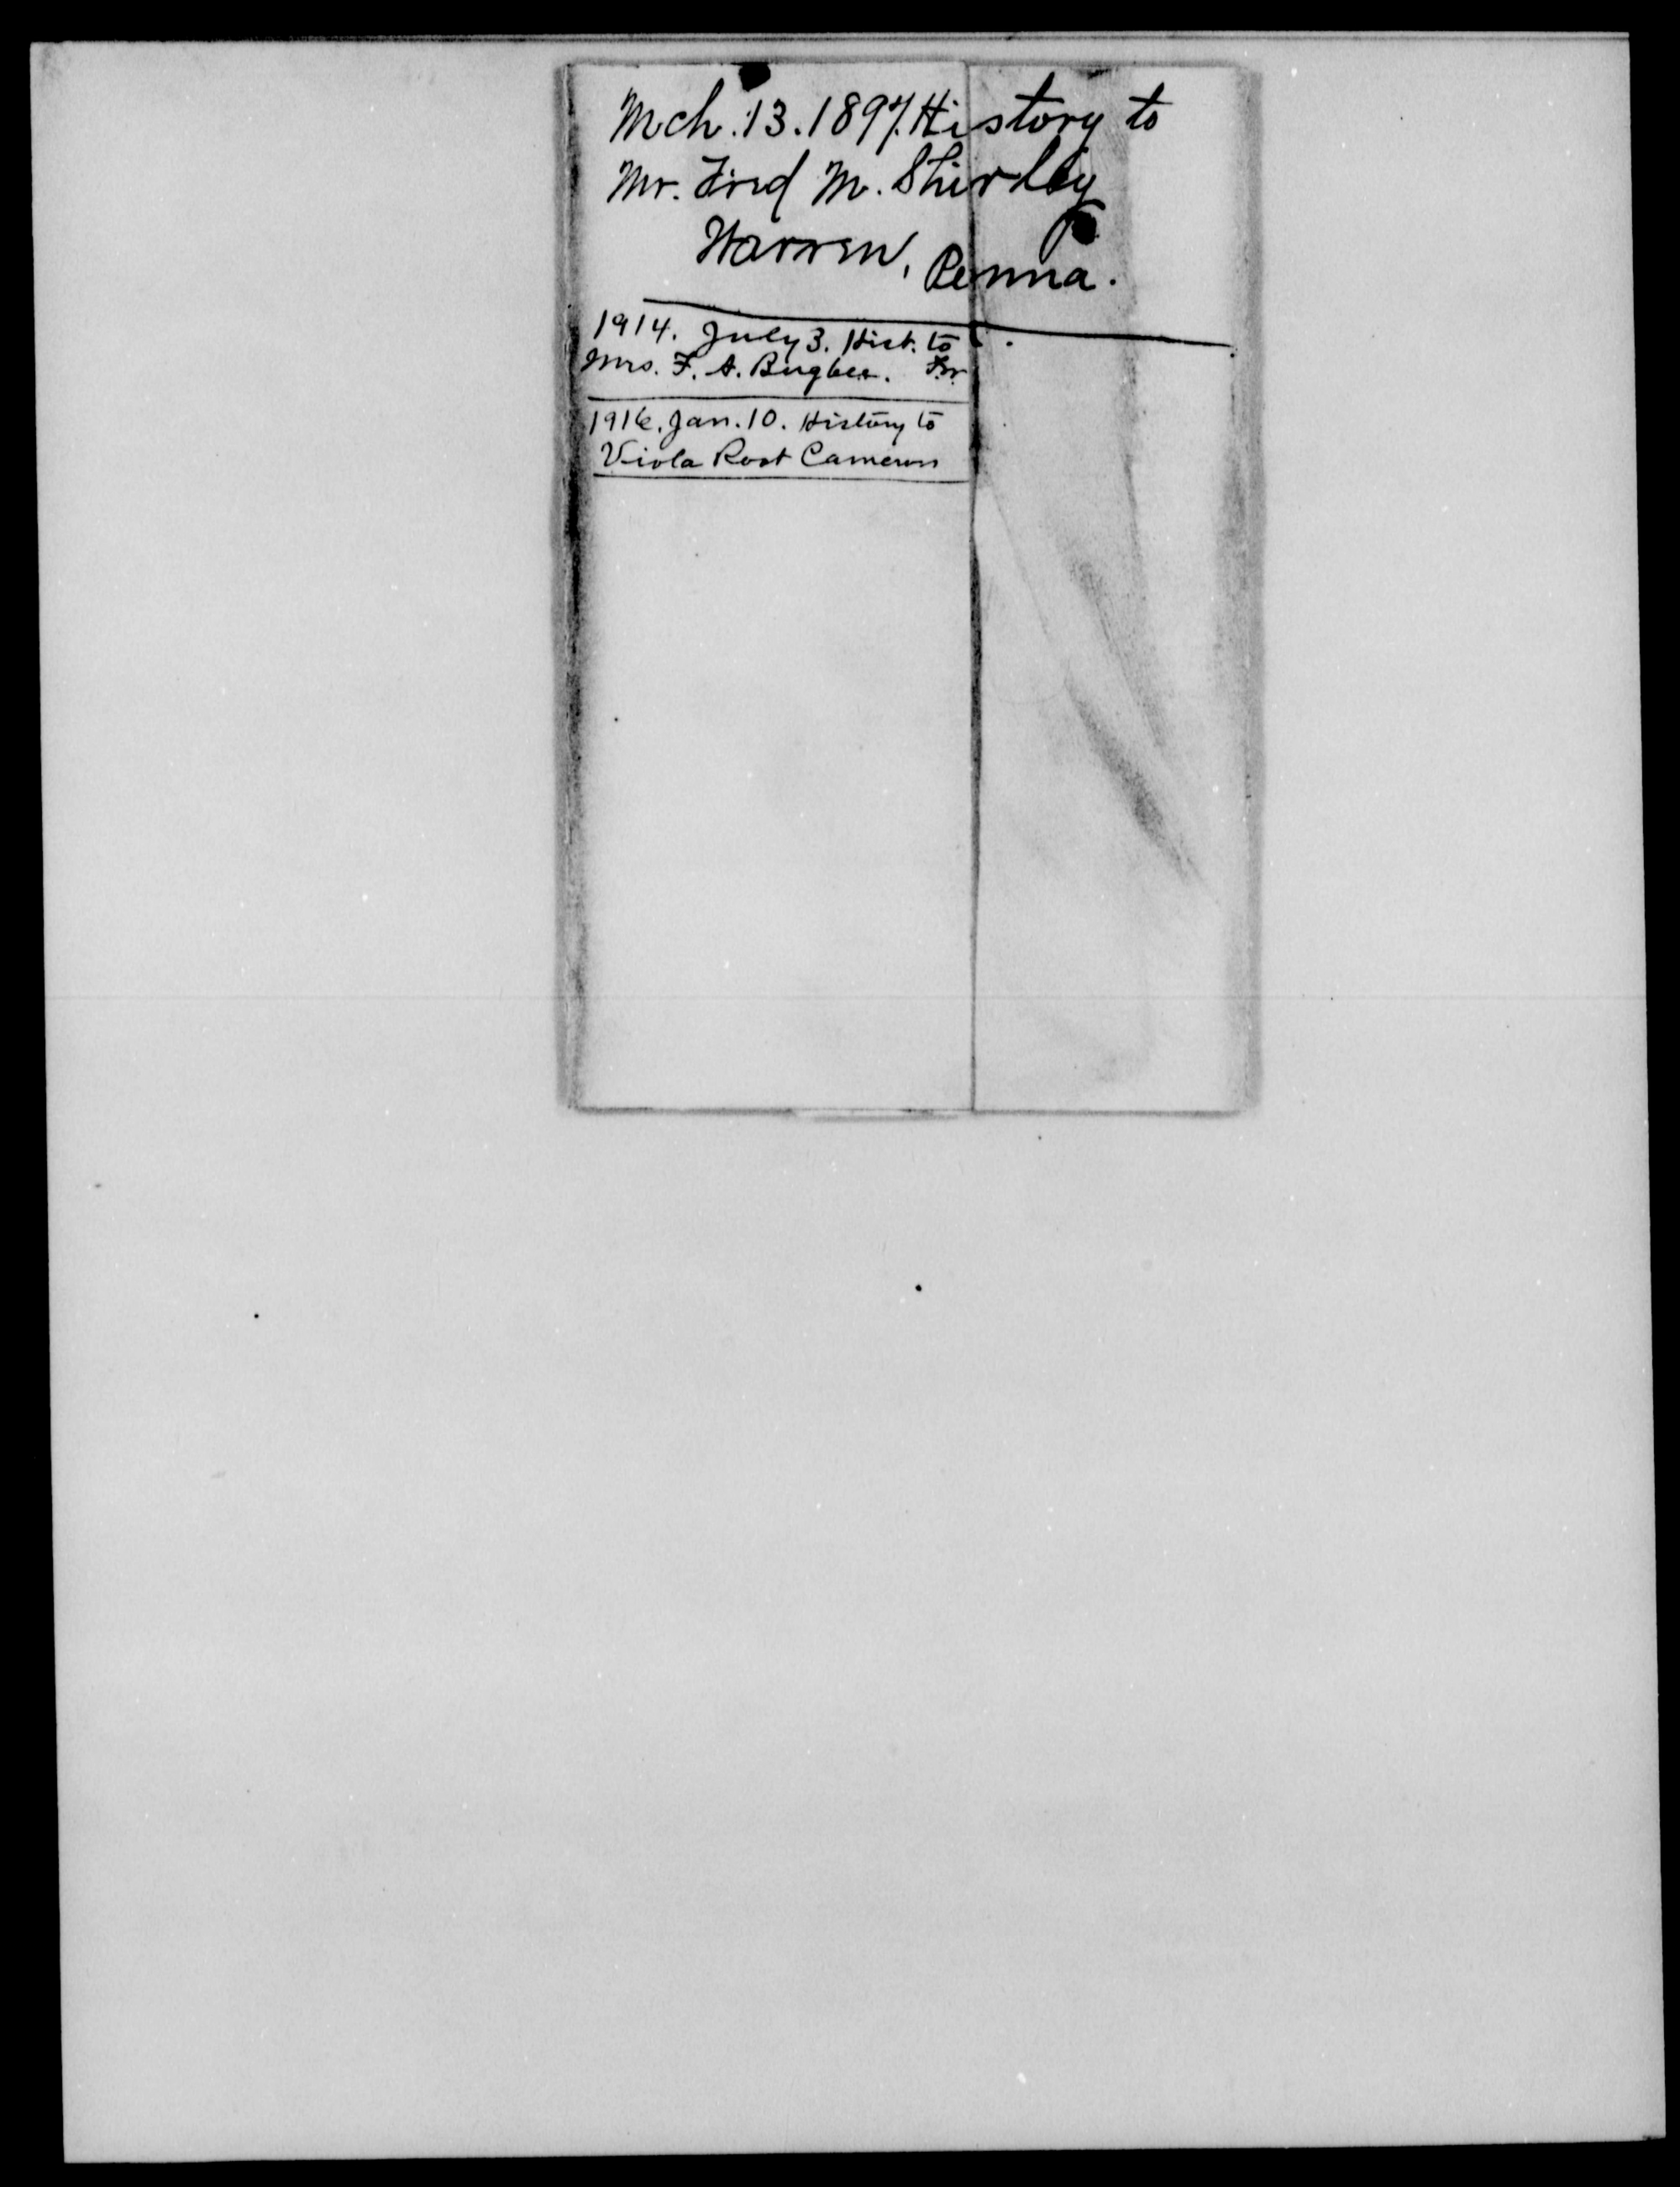Mch. 13. 1897   History to
Mr. Fred M. Shirley
Warren, Penna.
__________________________________________
1914.  July 3.  Hist. to
Mrs. F. A. Bugbee.
__________________________________________
1916.  Jan. 10.   History to
Viola Root Cameron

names: Fred M Shirley; Viola Root Cameron; F A Bugbee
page: 14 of 20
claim: survivor's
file: S. 40412, for Daniel Shirley, New Hampshire